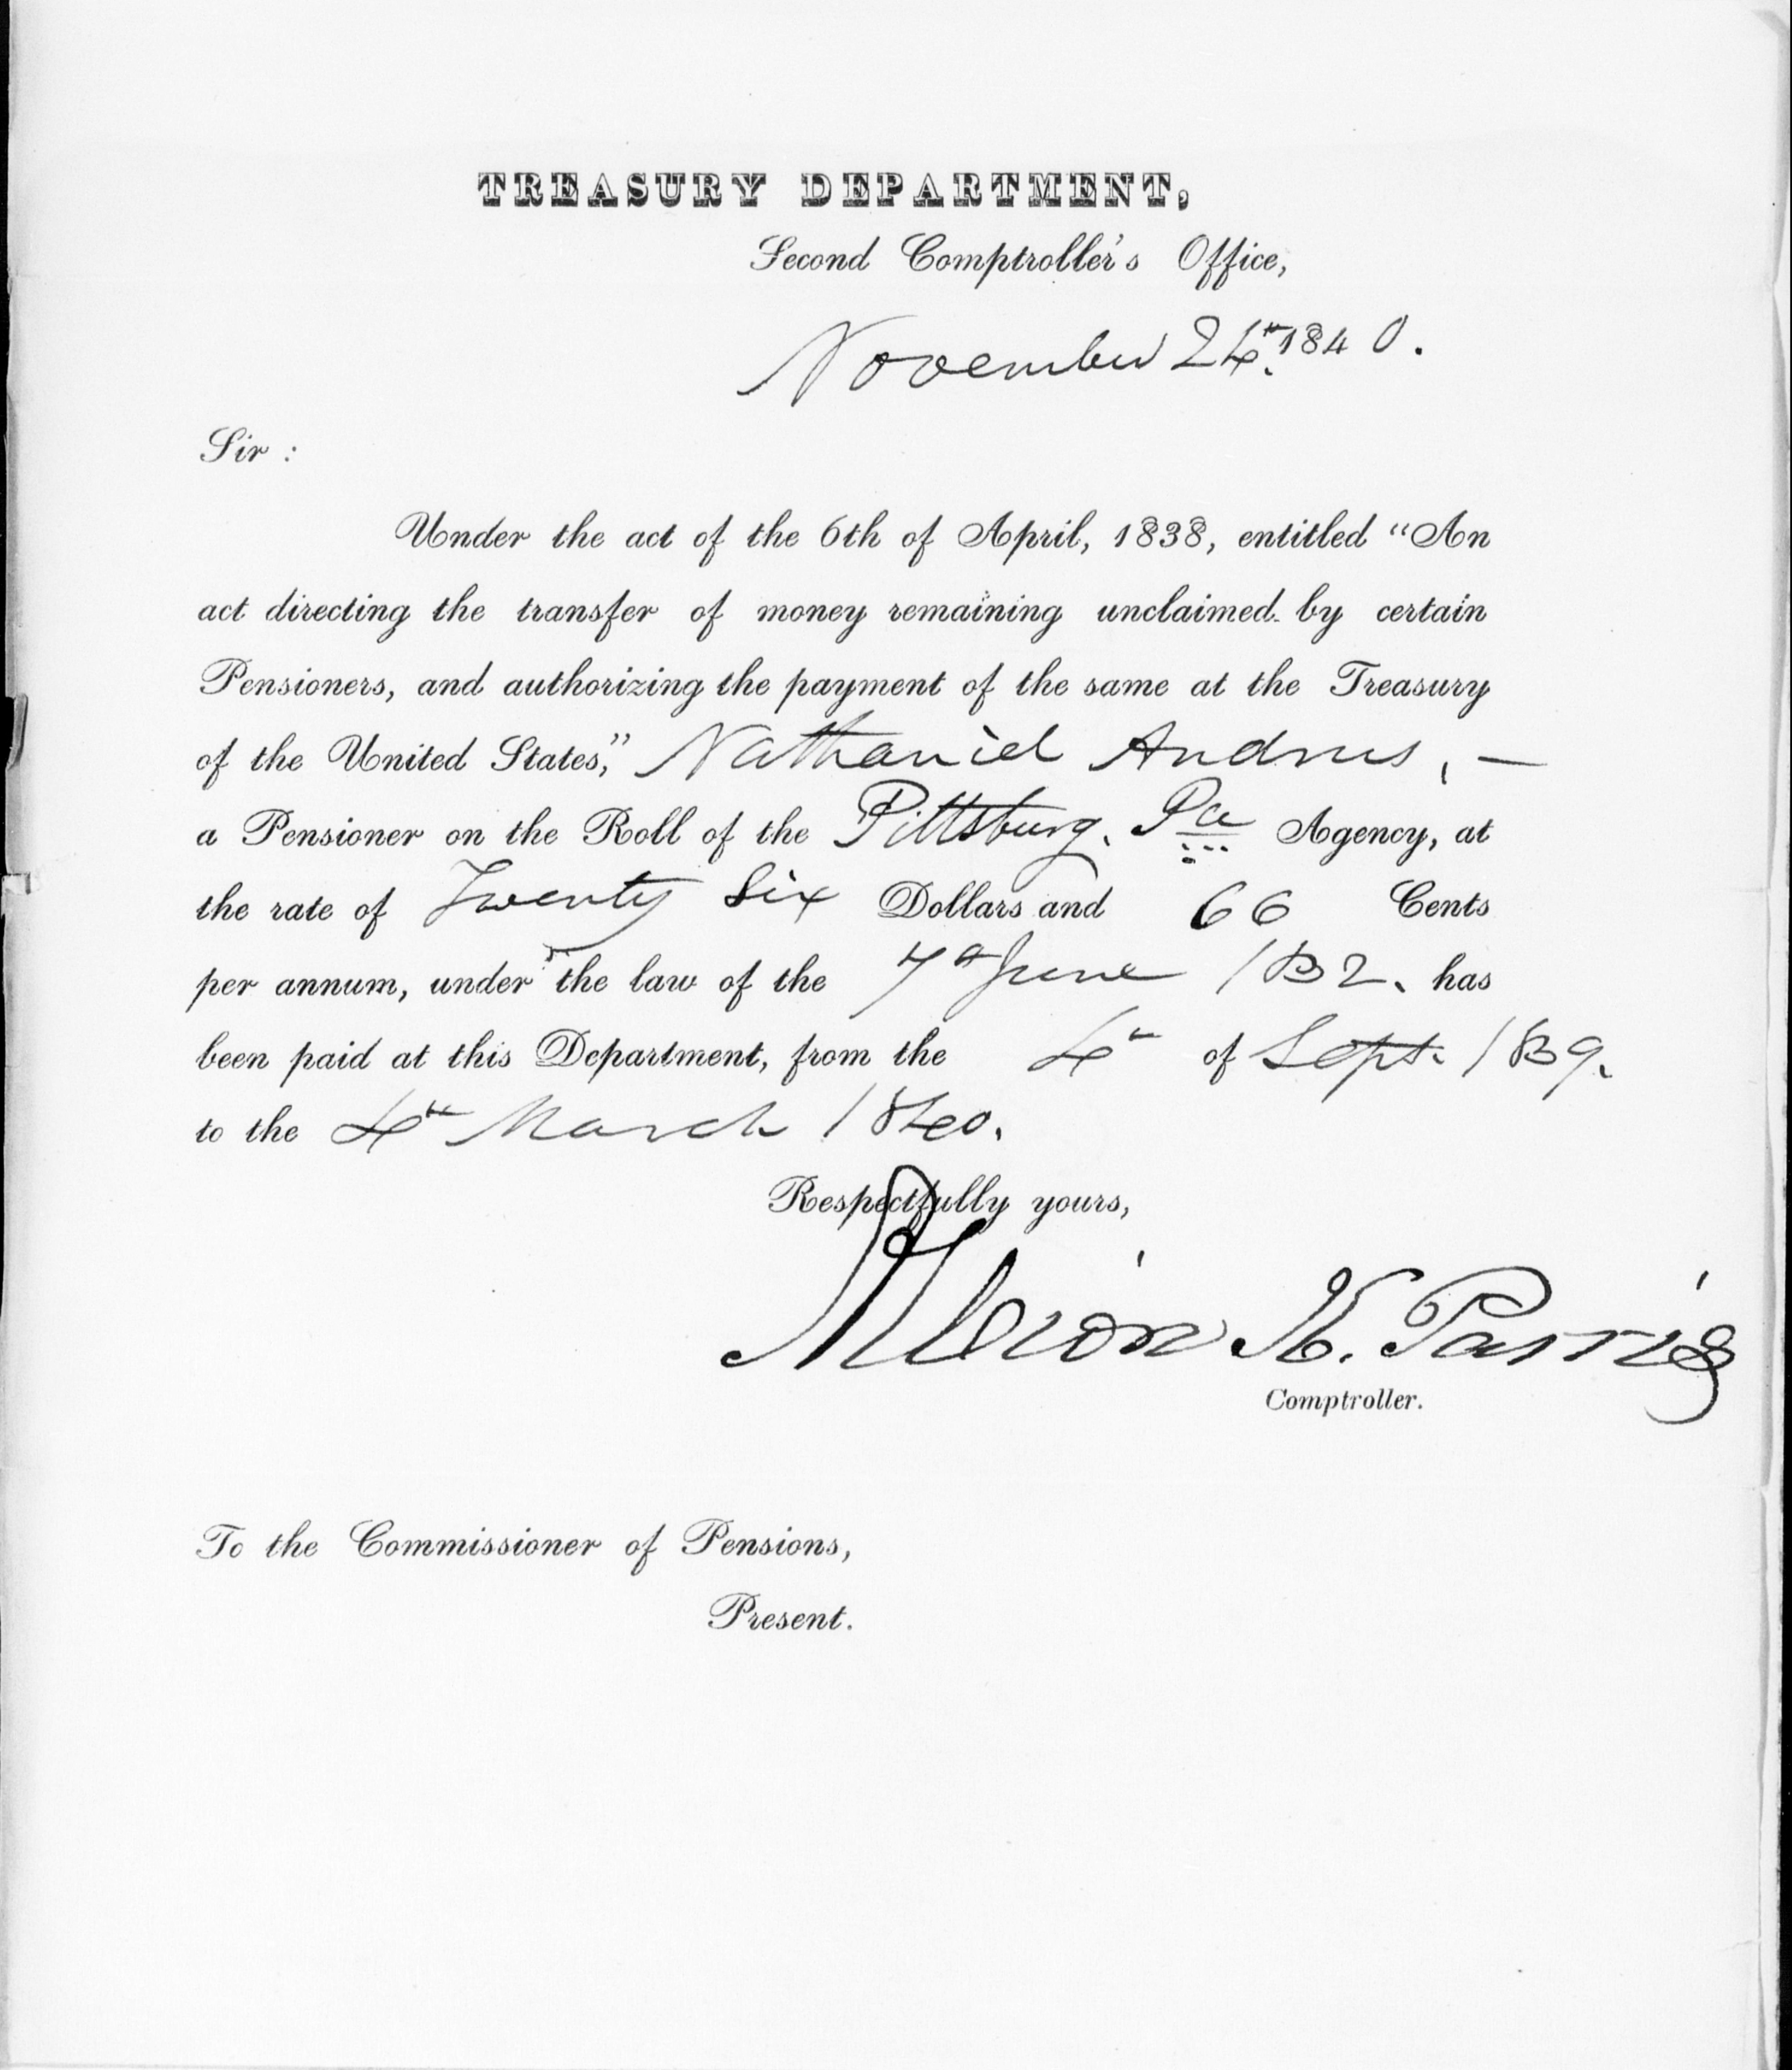TREASURY DEPARTMENT
Second Comptroller's Office,
November 24th 1840
Sir
Under the act of the 6th of April, 1838, entitled "An
act directing the transfer of money remaining unclaimed by certain
Pensioners, and authorizing the payment of the same at the Treasury
of the United States," Nathaniel Andrews
a Pensioner on the Roll of the Pittsburg, Pa Agency, at
the rate of Twenty Six Dollars and 66 Cents
per annum, under the law of the
7th June 1832, has
been paid at this Department, from the 4th of
Sept 1839
to the 4th March to 1840
Respectfully yours,
Albion K. Parris
Comptroller
To the Commissioner of Pensions
Present.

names: Albion K Parris, Nathaniel Andrus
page: 62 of 78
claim: widow's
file: W. 4117, Nathaniel Bradley, Conn.